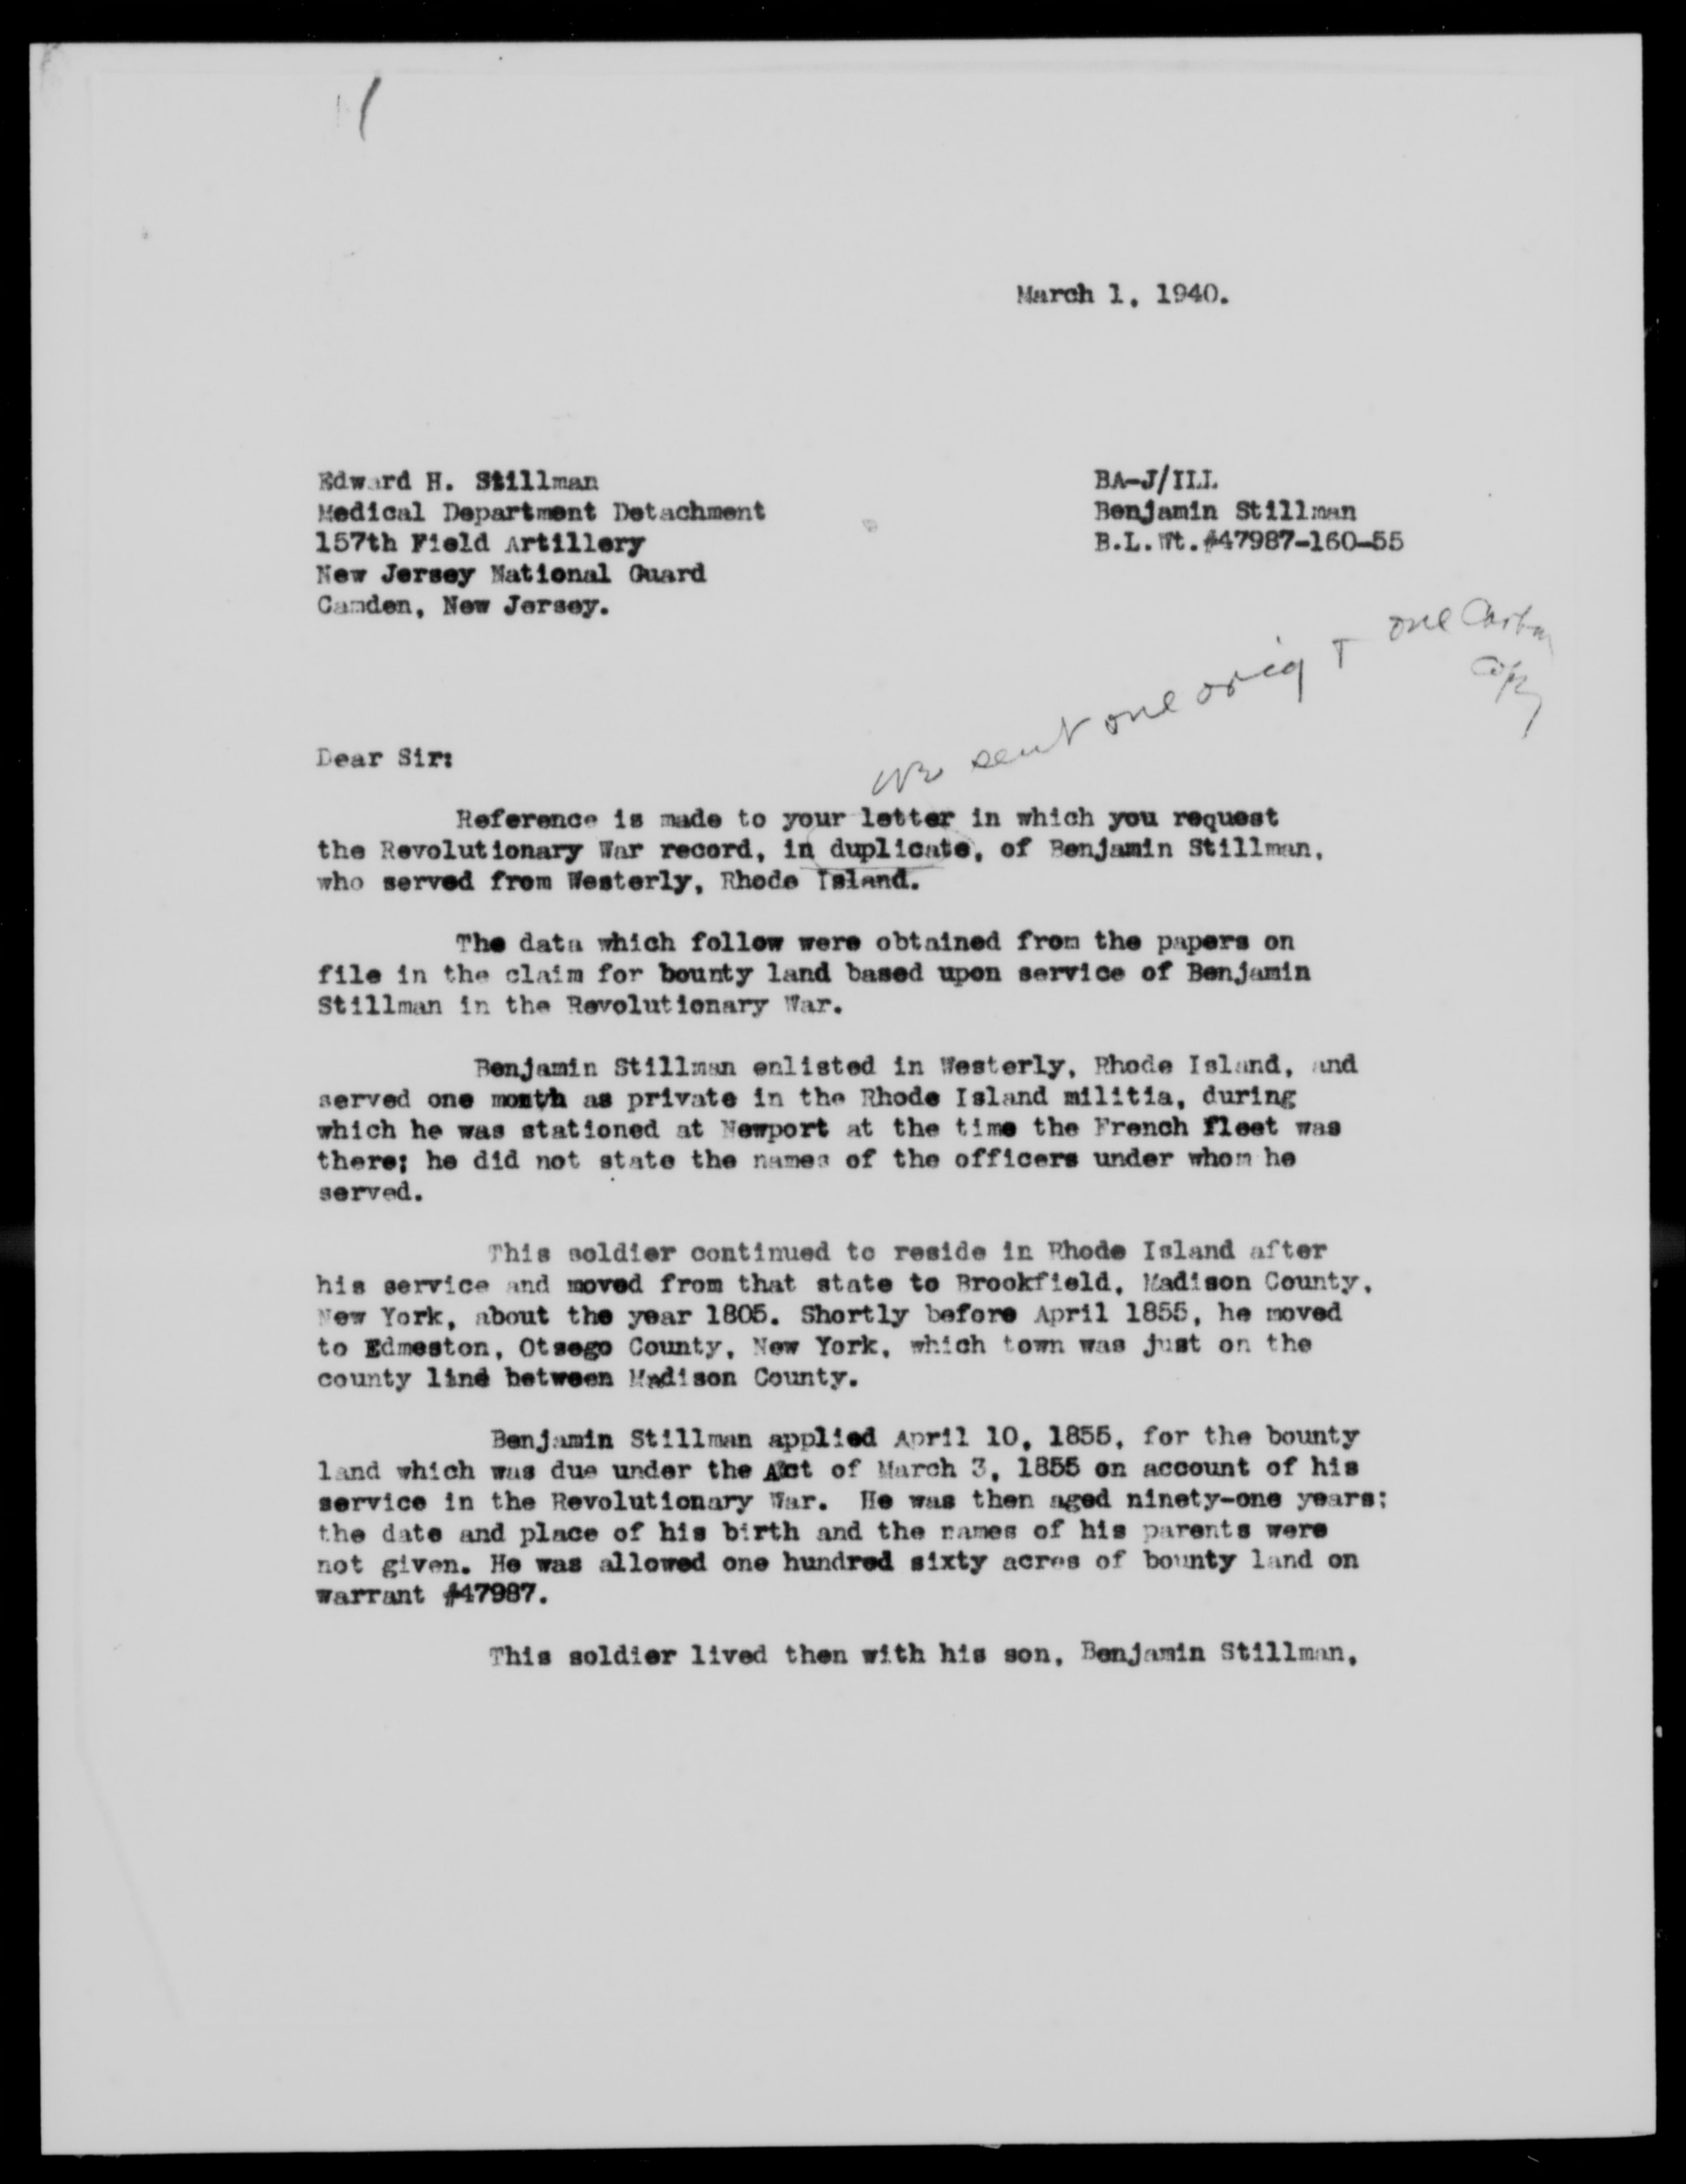March 1, 1940.
Edward H. Stillman
Medical Department Detachment 
157th Field Artillery 
New Jersey National Guard 
Camden, New Jersey.
 
BA-J/ILL
Benjamin Stillman
B. L. Wt. 447987-160-55

Dear Sir:.
[in reference to duplicate] We sent on orig & one carbon copy]
Reference is made to your letter in which you request the Revolutionary War record, in [circled] duplicate[/circled], of Benjamin Stillman, who served from Westerly, Rhode Island. 
The data which follow were obtained from the papers on file in the claim for bounty land based upon service of Benjamin Stillman in the Revolutionary War. 
Benjamin Stillman enlisted in Westerly, Rhode Island, and served one month as private in the Rhode Island militia, during which he was stationed at Newport at the time the French fleet was there; he did not state the names of the officers under whom he served. 
This soldier continued to reside in Rhode Island after his service and moved from that state to Brookfield, Madison County, New York, about the year 1805. Shortly before April 1855, he moved to Edmeston, Otsego County, New York, which town was just on the county line between Madison County.
Benjamin Stillman applied April 10, 1855, for the bounty land which was due under the Act of March 3, 1855 on account of his service in the Revolutionary War. He was then aged ninety-one years; the date and place of his birth and the names of his parents were not given. He was allowed one hundred sixty acres of bounty land on Warrant #47987. 
This soldier lived then with his son, Benjamin Stillman,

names: Benjamin Stillman; Benjamin Stillman; Benjamin Stillman; Benjamin Stillman; Benjamin Stillman; Benjamin Stillman; Edward H Stillman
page: 9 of 29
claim: bounty land warrant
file: B.L.Wt.47987-160-55, for Benjamin Stillman, Rhode Island